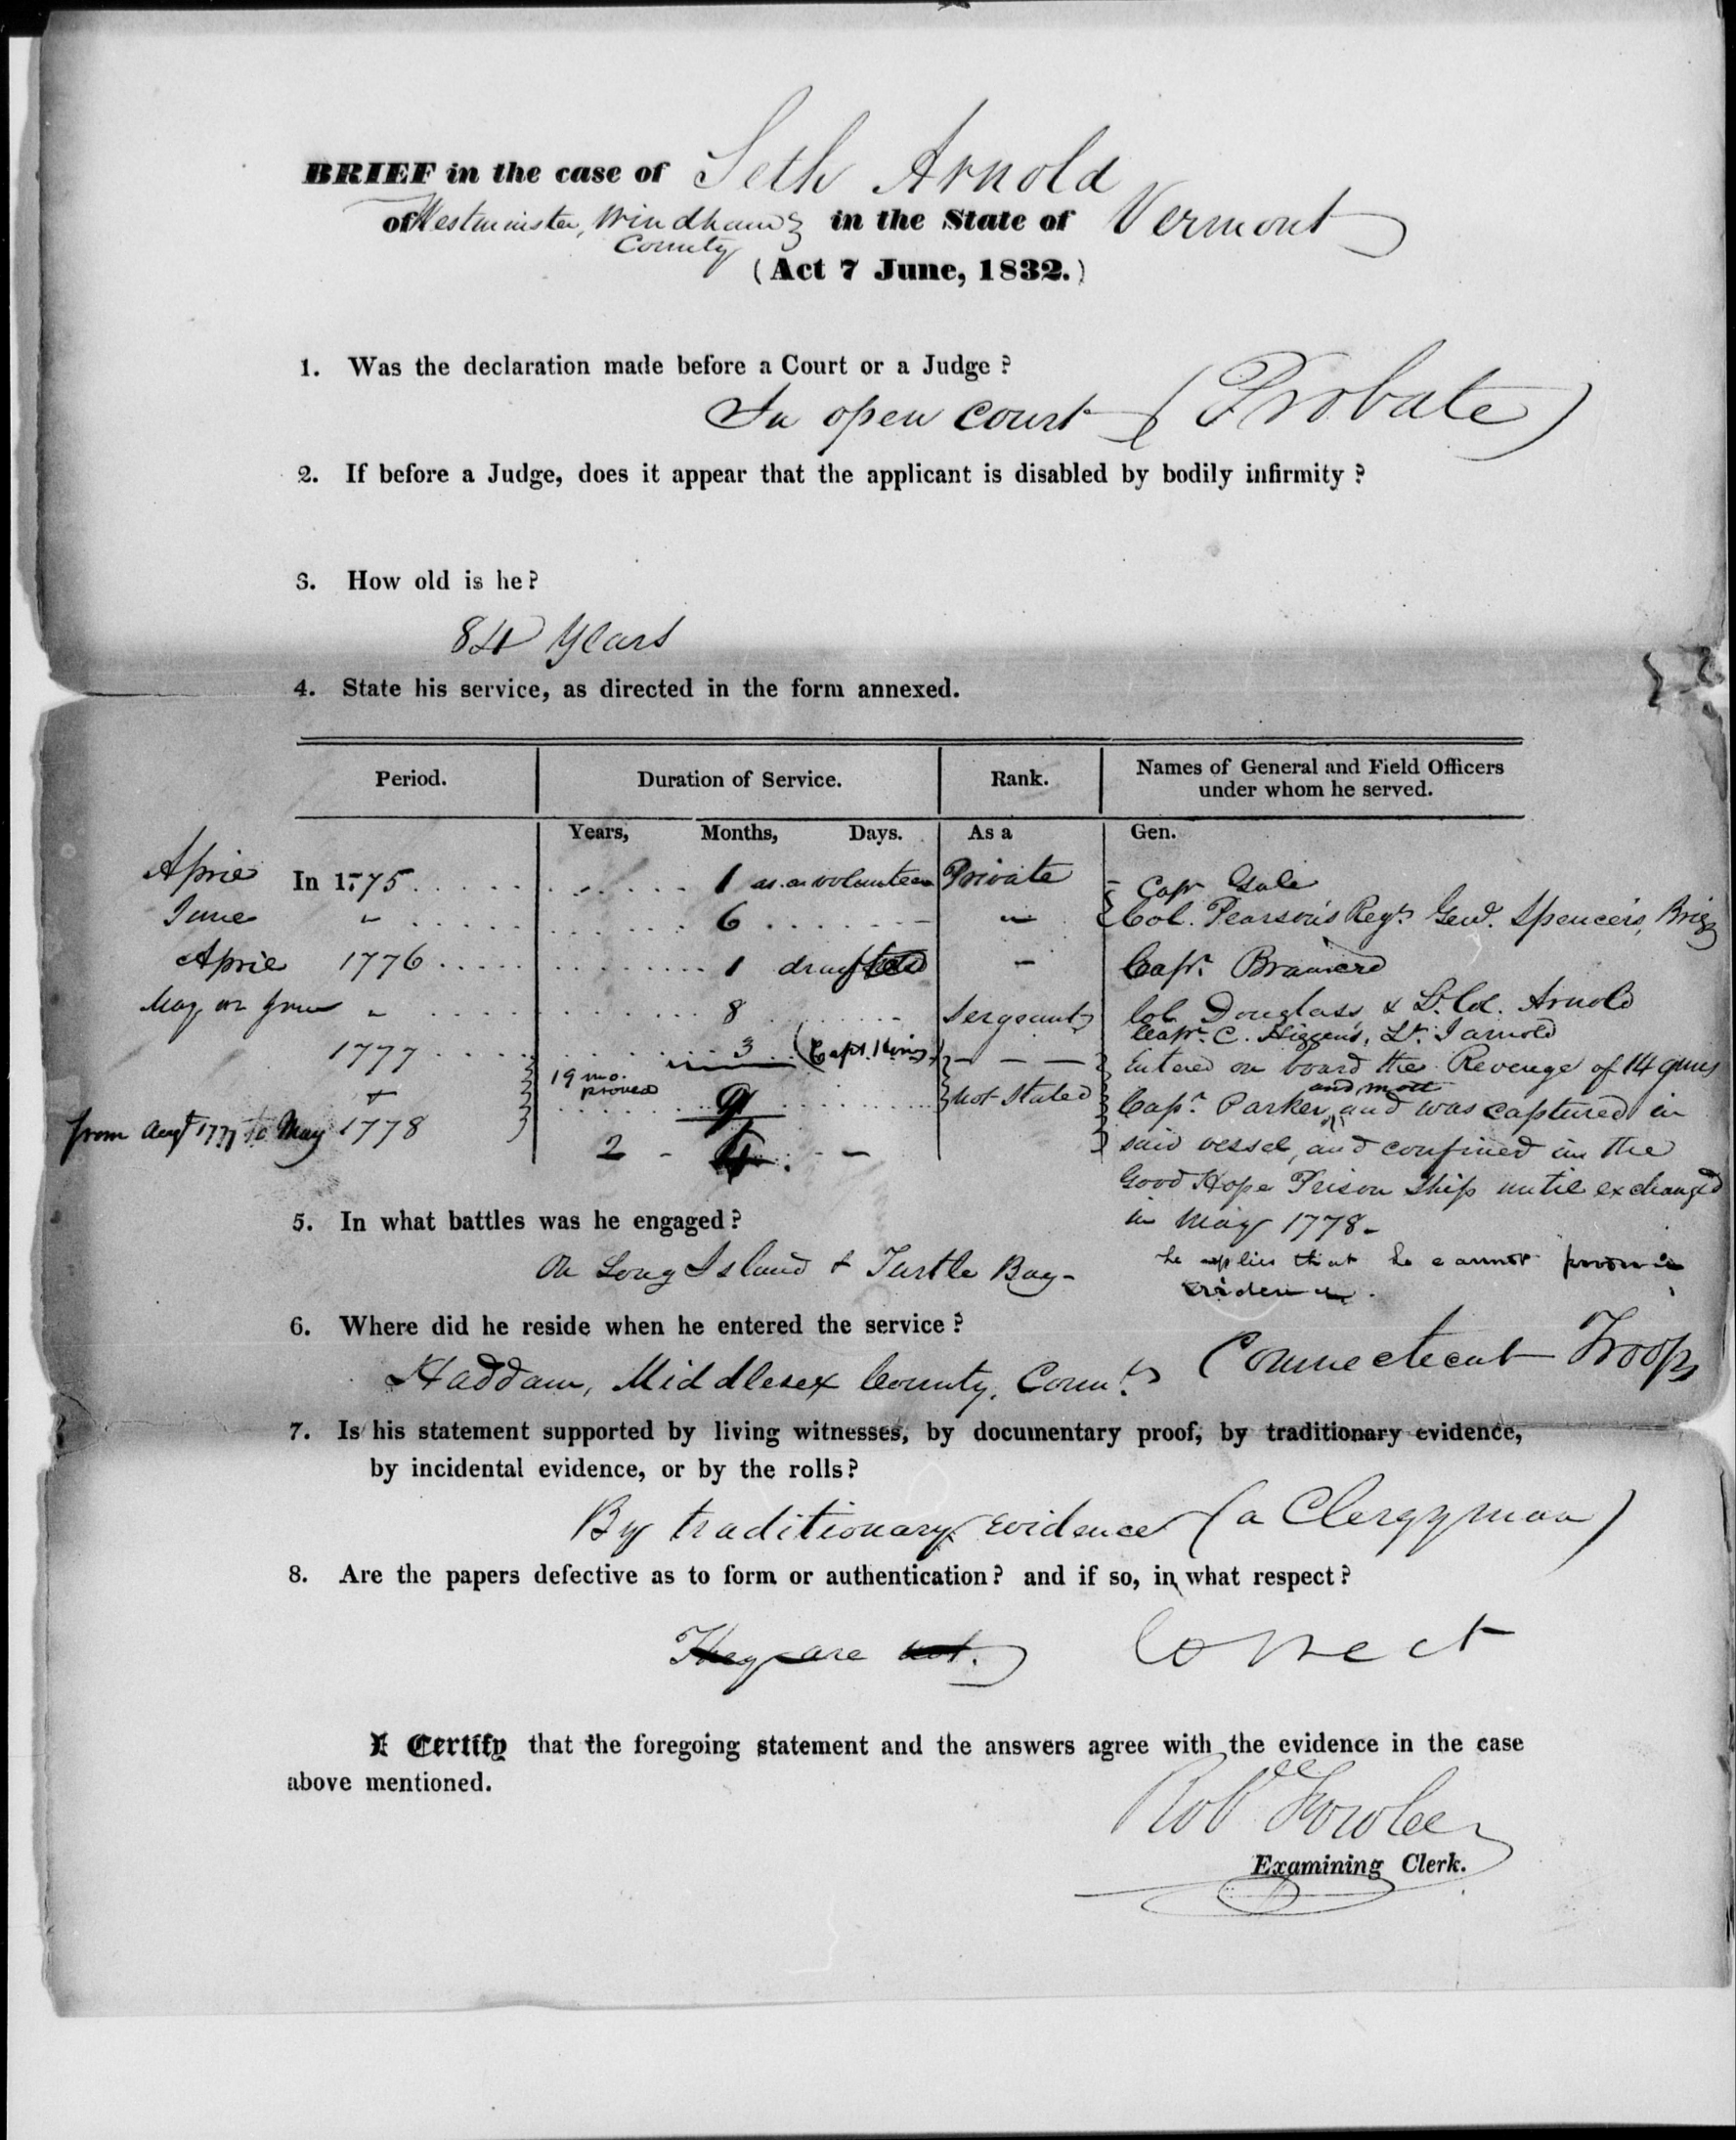Brief in the case of Seth Arnold
of Westminster, Windham County } in the state of Vermont
(Act 7 June, 1832.)

1. Was the declaration made before a Court or a Judge ? In open court (Probate)

2.  If before a Judge, does it appear that the applicant is disabled by bodily infirmity ?

3.  How old is he ? 84 years

4.  State his service, as directed in the form annexed.

Period |  Duration of Service.|  Rank.|  Names of General and Field Officers under whom he served.

April In 1775
June  .....
April 1776
May or June ....1777
& from Augt 1777 to May 1778|

Years, Months, Days 

Months
1 as a volunteer
6
1 drafted
8
3
 (Capt. Henry)
19 mo proved

2|

As a 
Private
-
-
Sergeant
-
Not stated|
Capt Osale
Col. Pearson's Regt. Gen Spenser's Brig
Capt. Brainerd
Col. Douglass & L Col Arnold
Capt. C. Higgins, Lt. Jarnold
Entered on board the Revenge of 14 Guns
Capt. Parker and Mott and was captured in said vessel and confined in the Good Hope Prison Ship until exchanged in May 1778.  He implies that he cannot provide evidence

5. In what battles was he engage ? 
On Long Island & Turtle Bay

6.  Where did he reside when he entered the service ?
Haddam, Middlesex County Connet
 Connecticut Troops

7.  Is his statement supported by living witnesses, by documentary proof, by traditionary evidence, by incidental evidence, or by the rolls ?
By traditionary evidence (a clergyman)

8.  Are the papers defecttive as to form or authentication ? and if so, in what respect ?
They are correct

I Certify that the foregoing statement and the answers agree with the evidence in the case above mentioned.

Rob Fowler
Examining Clerk.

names: Mott, Brainerd, C Higgins, Arnold, J Arnold, Robt Fowlee, Douglass, Parker, Gale, Seth Arnold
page: 7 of 9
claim: survivor's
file: S. 18690, Seth Arnold, Conn. Privateer